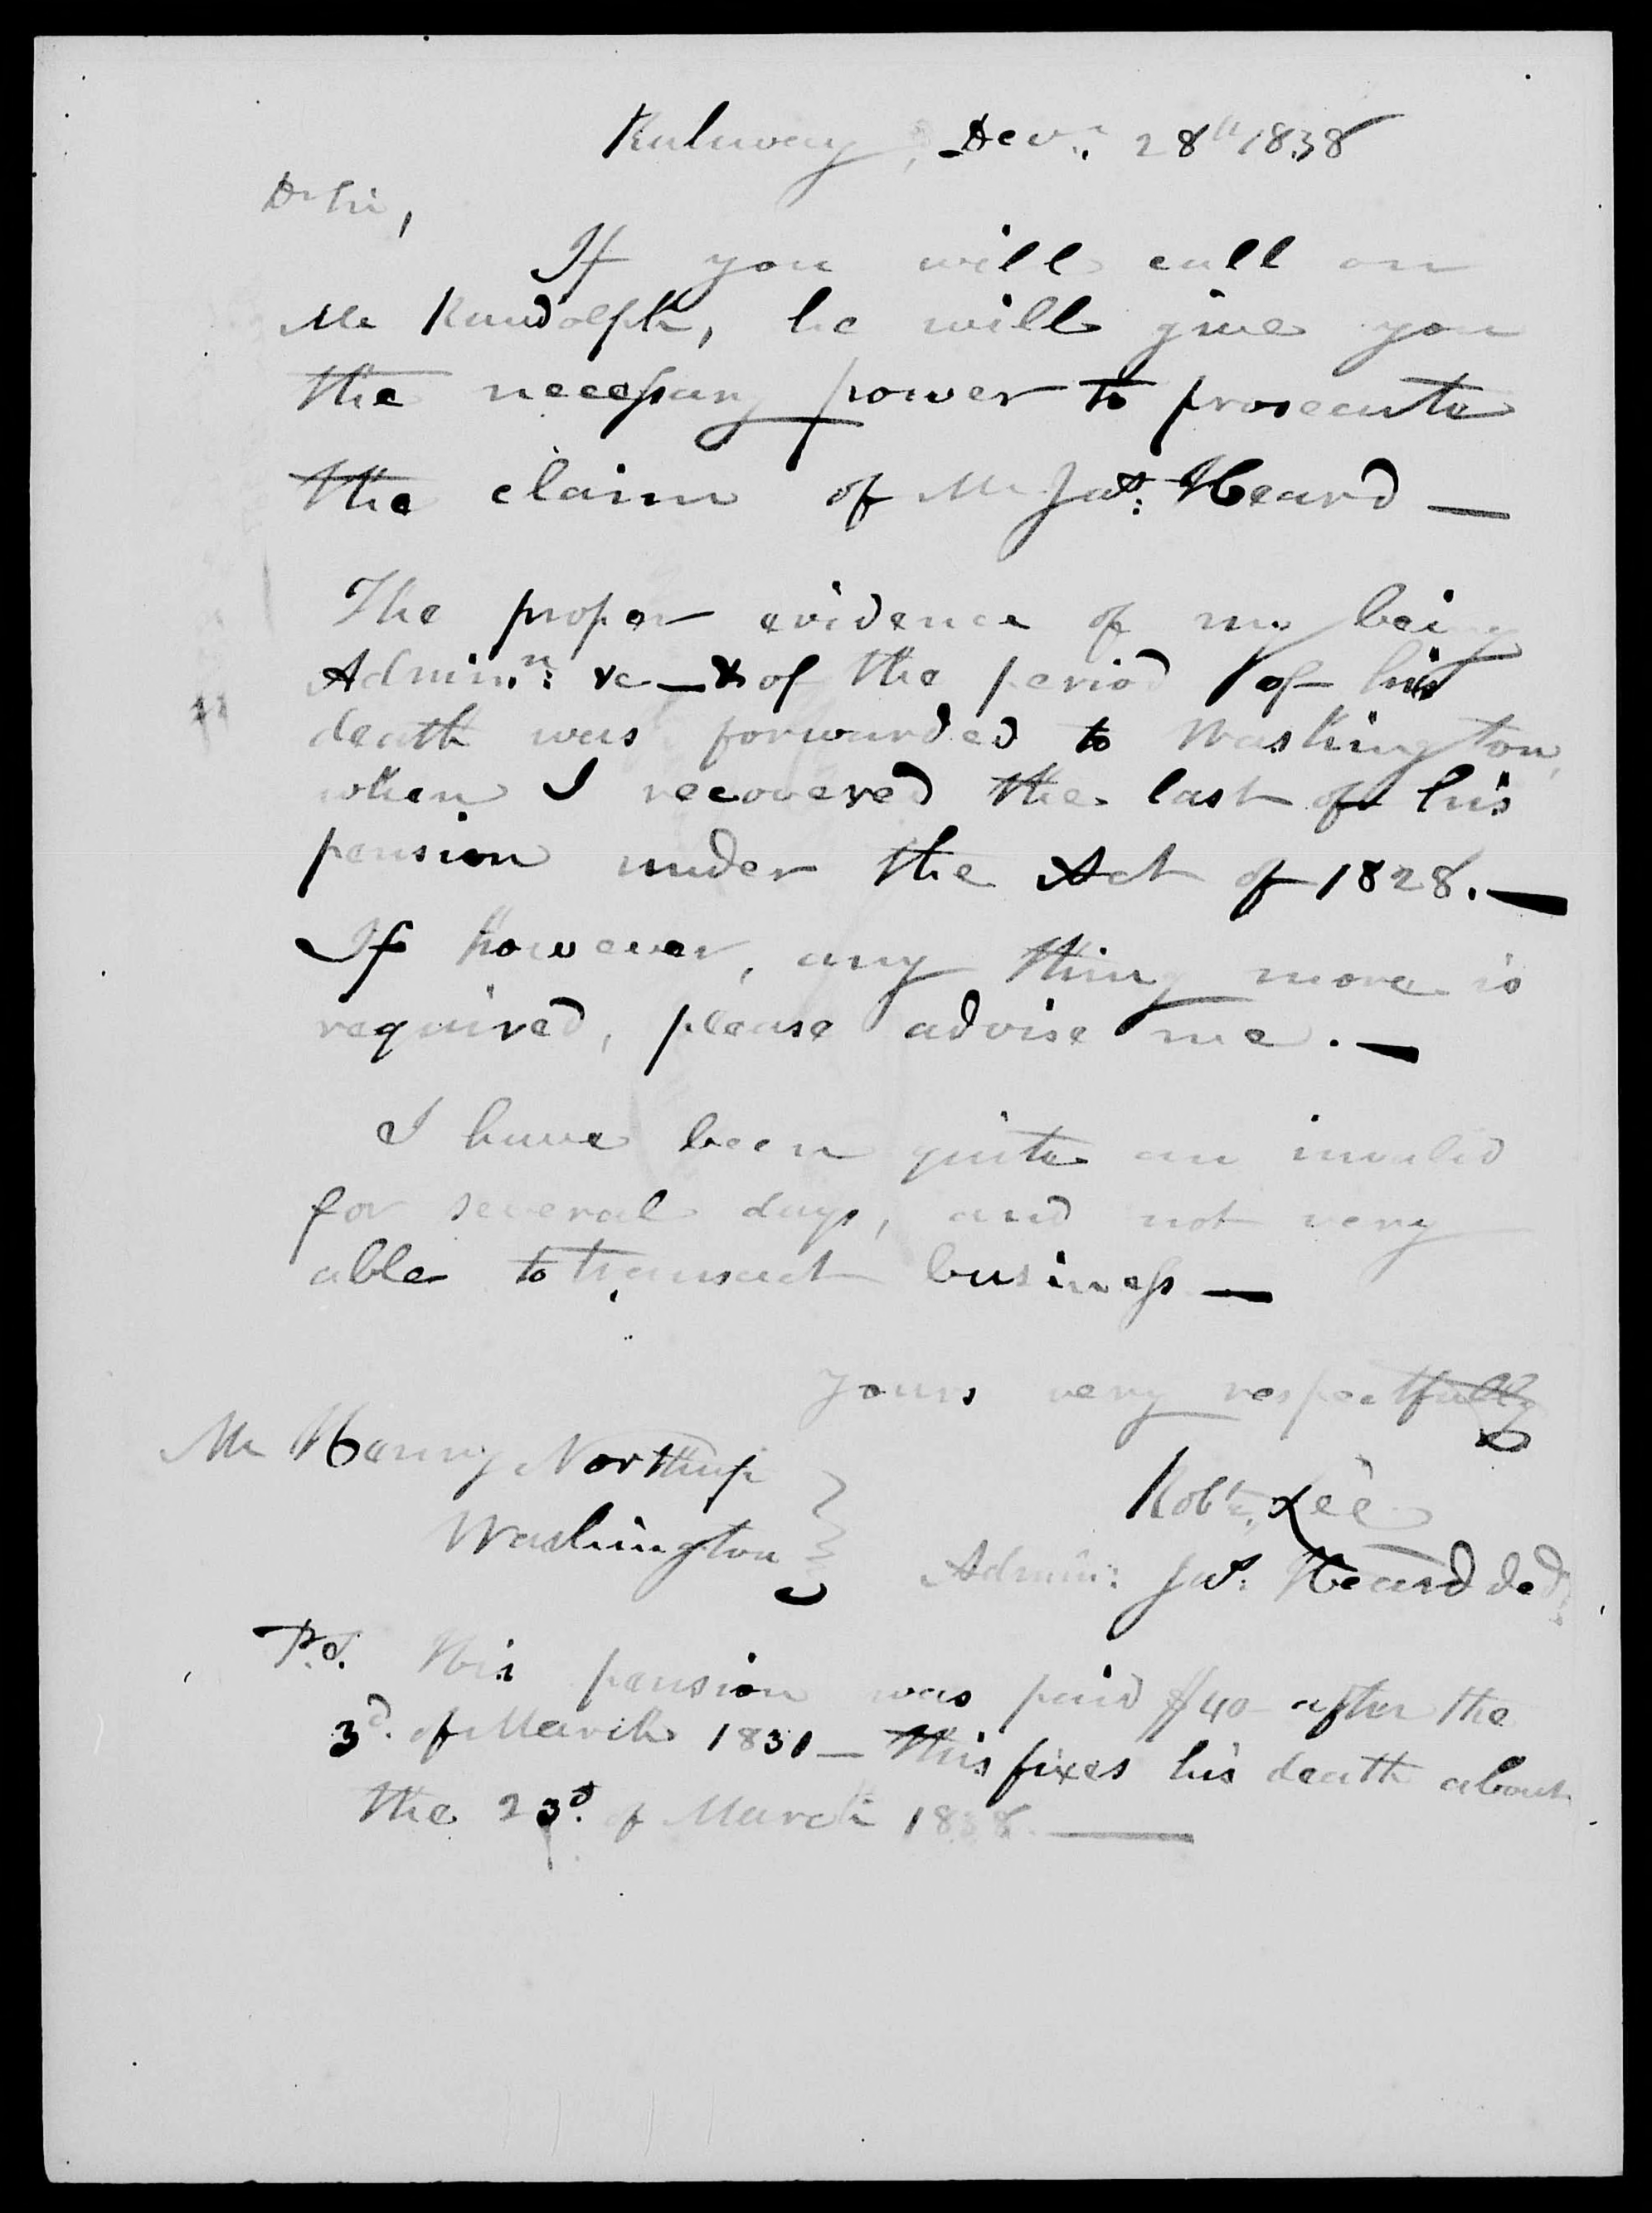February 28, 1838

Sir, 

If you will call on Mr. Randolph he will give you the necessary power to prosecute the claim of Mr. James Heard. The proper evidence of my being aware of the period of his death was forwarded to Washington when I recorded the last of his pension under the act of 1828. If however, anything more is necessary please advise me. 

                                        Yours very respectfully,
Mr. Henry Northrup            Robert Lee
Washington                         [Illegible]

PS: His pension was paid $40 after 3rd of March 1831. This fixes his death about the 23rd of March 1838.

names: Randolph, Jas Heard, Jas Heard, Henry Northup, Robt Lee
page: 51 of 62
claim: survivor's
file: S. 540, James Heard, Continental - New Jersey Residence In 1818